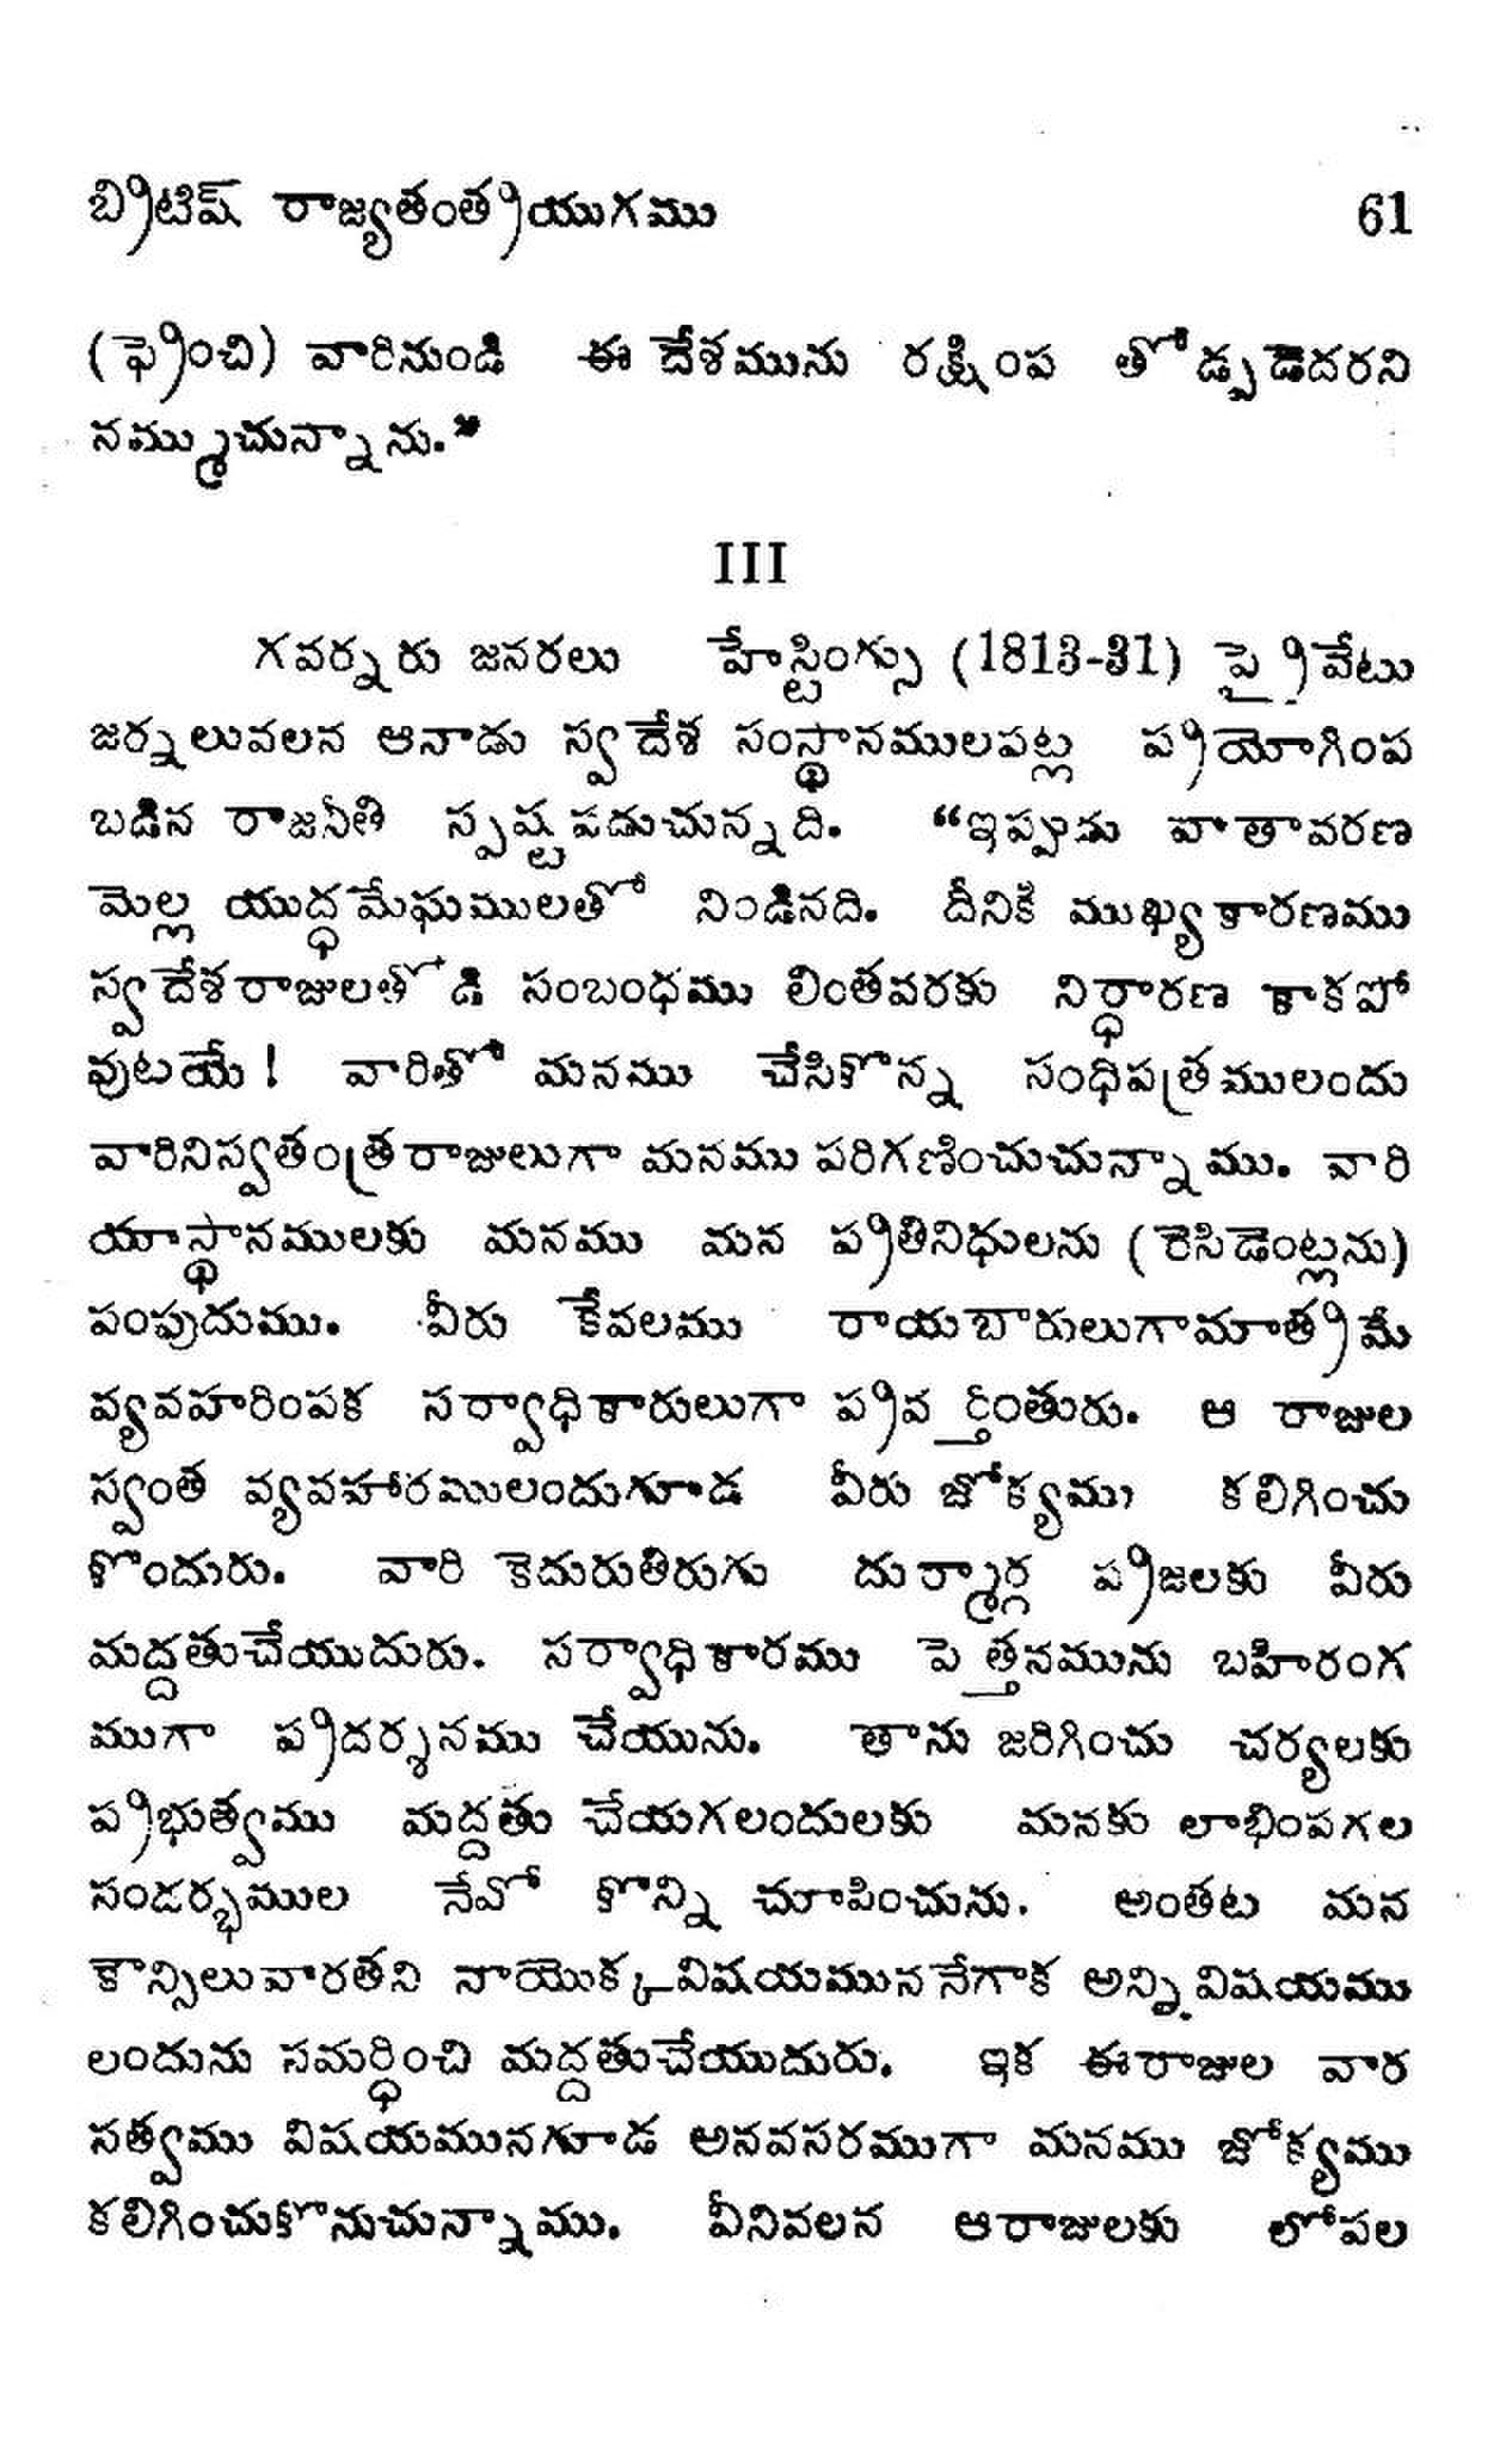(ఫ్రెంచి) వారినుండి ఈ దేశమును రక్షింప తోడ్పడెదరని నమ్ముచున్నాను.”

III 

గవర్నరు జనరలు హేస్టింగ్సు (1818-31) ప్రైవేటు జర్నలువలన ఆనాడు స్వదేశ సంస్థానములపట్ల ప్రయోగింపబడిన రాజనీతి స్పష్టపడుచున్నది. “ఇప్పుడు వాతావరణమెల్ల యుద్ధమేఘములతో నిండినది. దీనికి ముఖ్యకారణము స్వదేశరాజులతోడి సంబంధము లింతవరకు నిర్ధారణ కాకపోవుటయే! వారితో మనము చేసికొన్న సంధిపత్రములందు వారినిస్వతంత్రరాజులుగా మనము పరిగణించుచున్నాము. వారి యాస్థానములకు మనము మన ప్రతినిధులను (రెసిడెంట్లను) పంపుదుము. వీరు కేవలము రాయబారులుగామాత్రమే వ్యవహరింపక సర్వాధికారులుగా ప్రవర్తింతురు. ఆ రాజుల స్వంత వ్యవహారములందుగూడ వీరు జోక్యము కలిగించు కొందురు. వారి కెదురుతిరుగు దుర్మార్గ ప్రజలకు వీరు మద్దతుచేయుదురు. సర్వాధికారము పెత్తనమును బహిరంగముగా ప్రదర్శనము చేయును. తాను జరిగించు చర్యలకు ప్రభుత్వము మద్దతు చేయగలందులకు మనకు లాభింపగల సందర్భముల నేవో కొన్ని చూపించును. అంతట మన కౌన్సిలువారతని నాయొక్కవిషయముననేగాక అన్నివిషయములందును సమర్థించి మద్దతుచేయుదురు. ఇక ఈరాజుల వారసత్వము విషయమునగూడ అనవసరముగా మనము జోక్యము కలిగించుకొనుచున్నాము. వీనివలన ఆరాజులకు లోపల